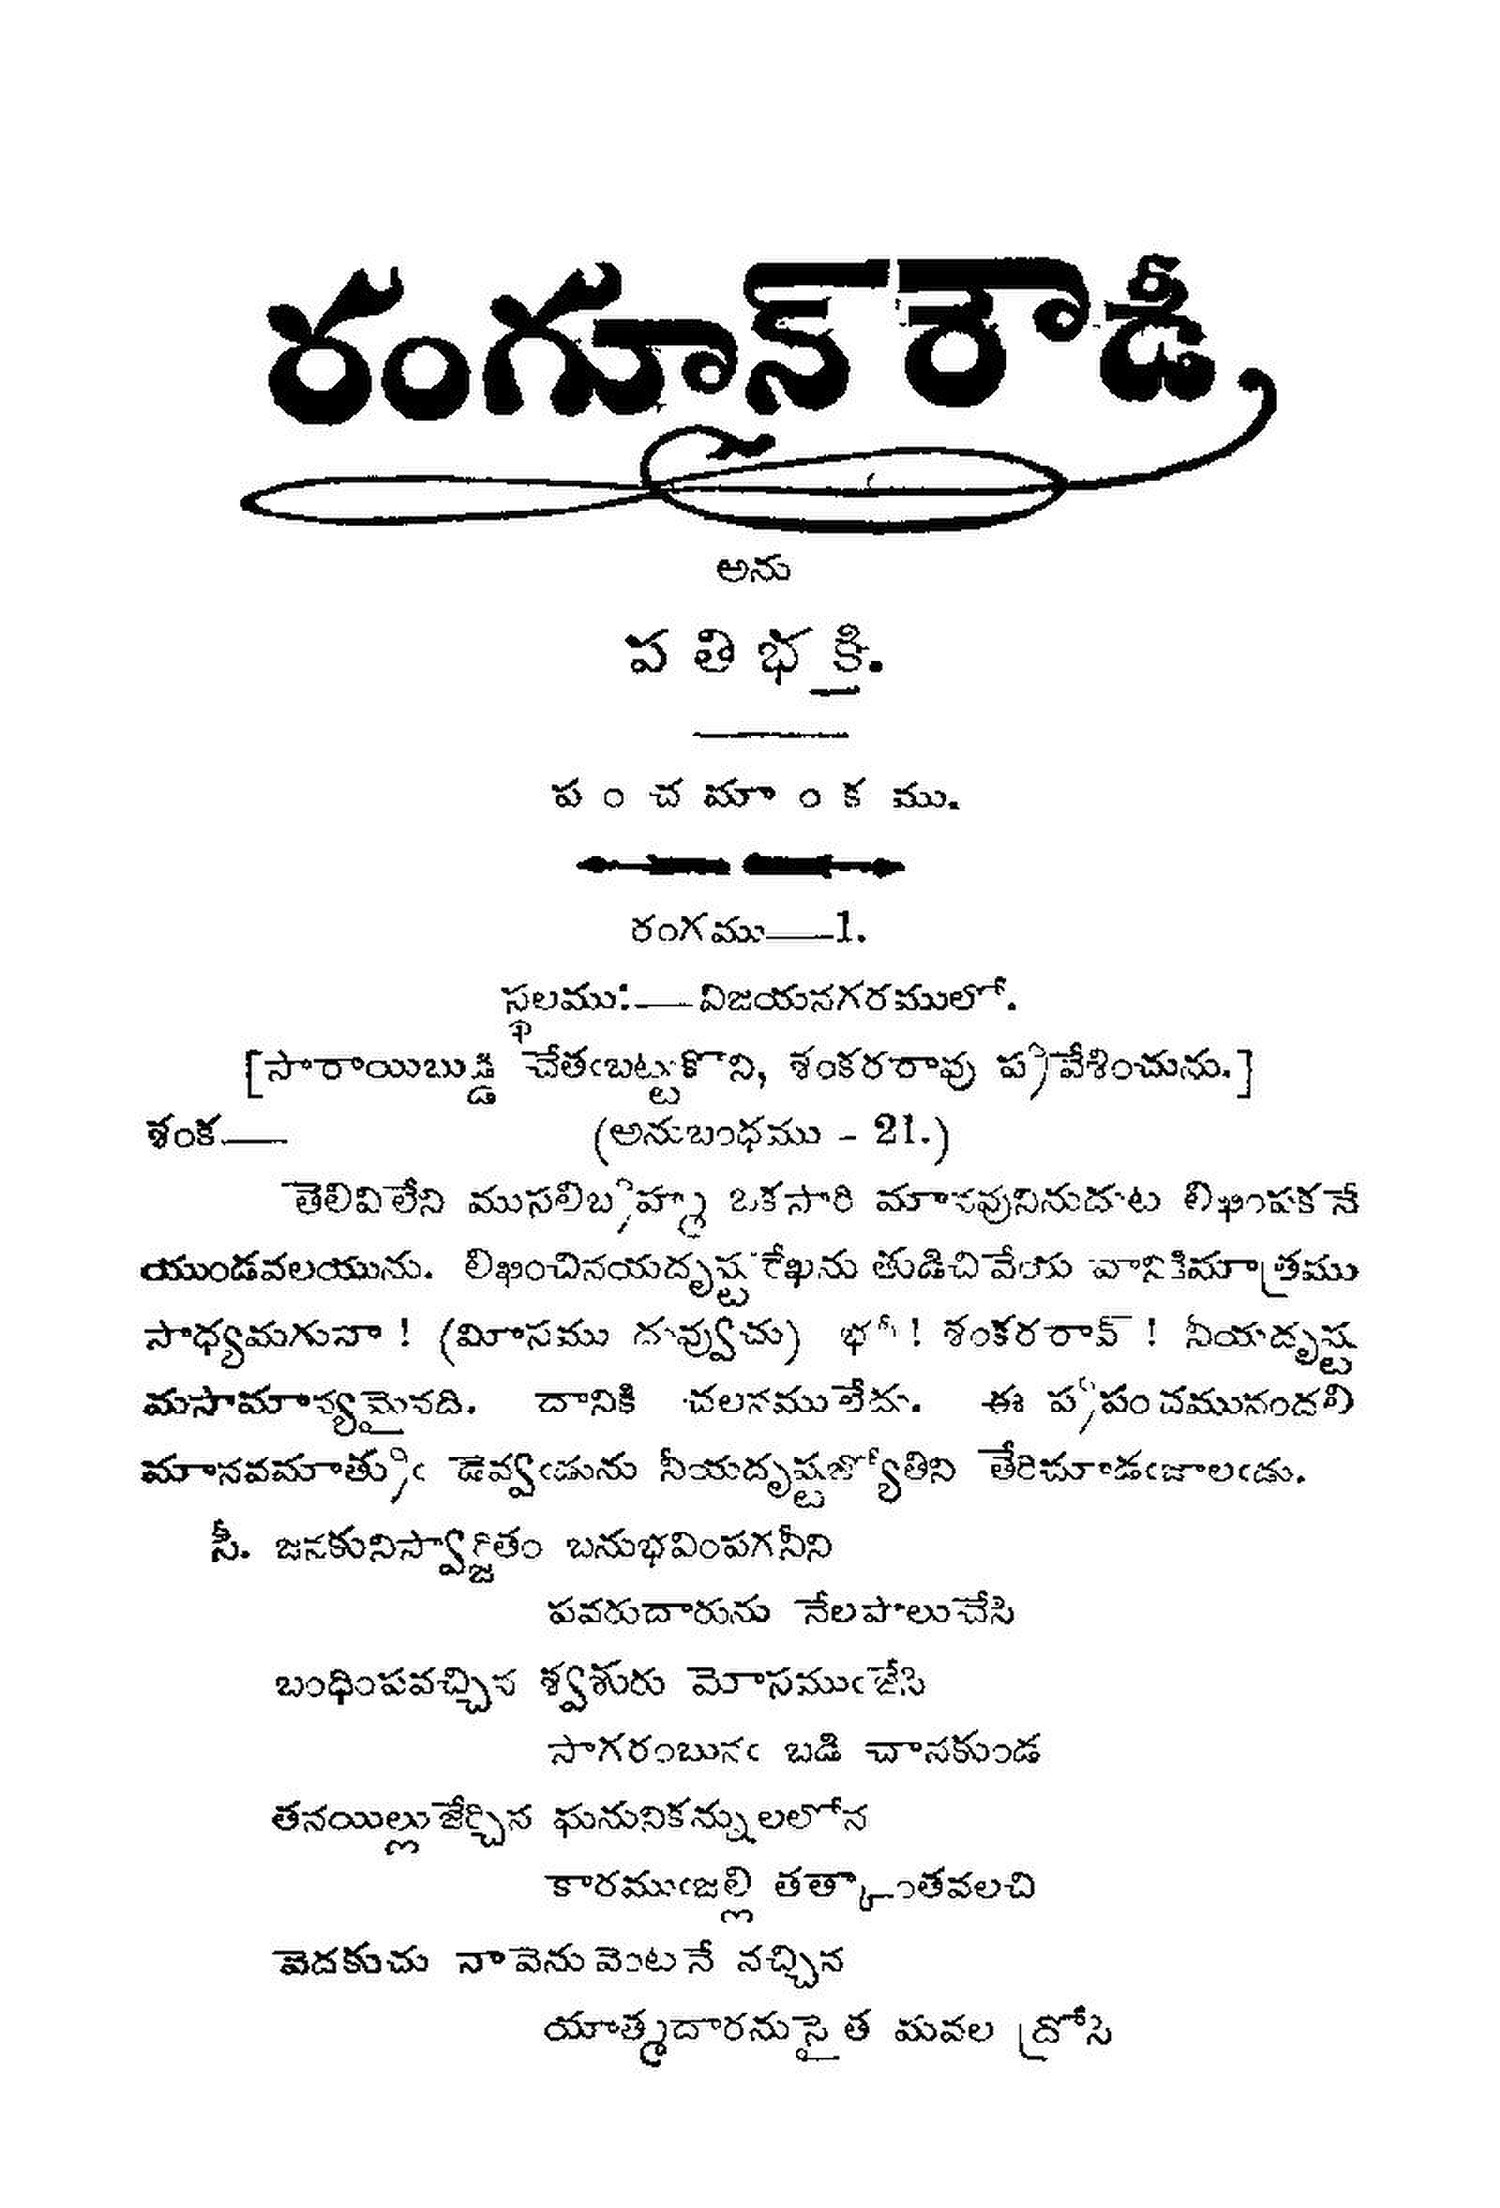రంగూన్ రౌడీ.

పతిభక్తి.

శంక -

తెలివిలేని ముసలిబ్రహ్మ ఒకసారి మానవునినుదట లిఖింపక నే యుండవలయును. లిఖించిన యదృష్టరేఖను తుడిచివేయ వానికిమాత్రము సాధ్యమగునా ! (మీసము దువ్వుచు) భలీ ! శంకరరావ్ ! నీయదృష్ట మసామాన్యమైనది. దానికి చలనములేదు. ఈ ప్రపంచమునందలి మానవమాత్రుఁ డెవ్వఁడును నీయదృష్టజ్యోతిని తేరిచూడఁజాలఁడు.

సీ. జనకునిస్వార్జితం బనుభవింపగనీని
 పవరుదారును నేలపాలుచేసి
 బంధింపవచ్చిన శ్వశురు మోసముఁజేసి
 సాగరంబునఁ బడి చావకుండ
 తనయిల్లుజేర్చిన ఘనునికన్నులలోన
 కారముఁజల్లి తత్కాంతవలచి
 వెదకుచు నా వెనువెంటనే వచ్చిన
 యాత్మదారనుసైత మవల ద్రోసి